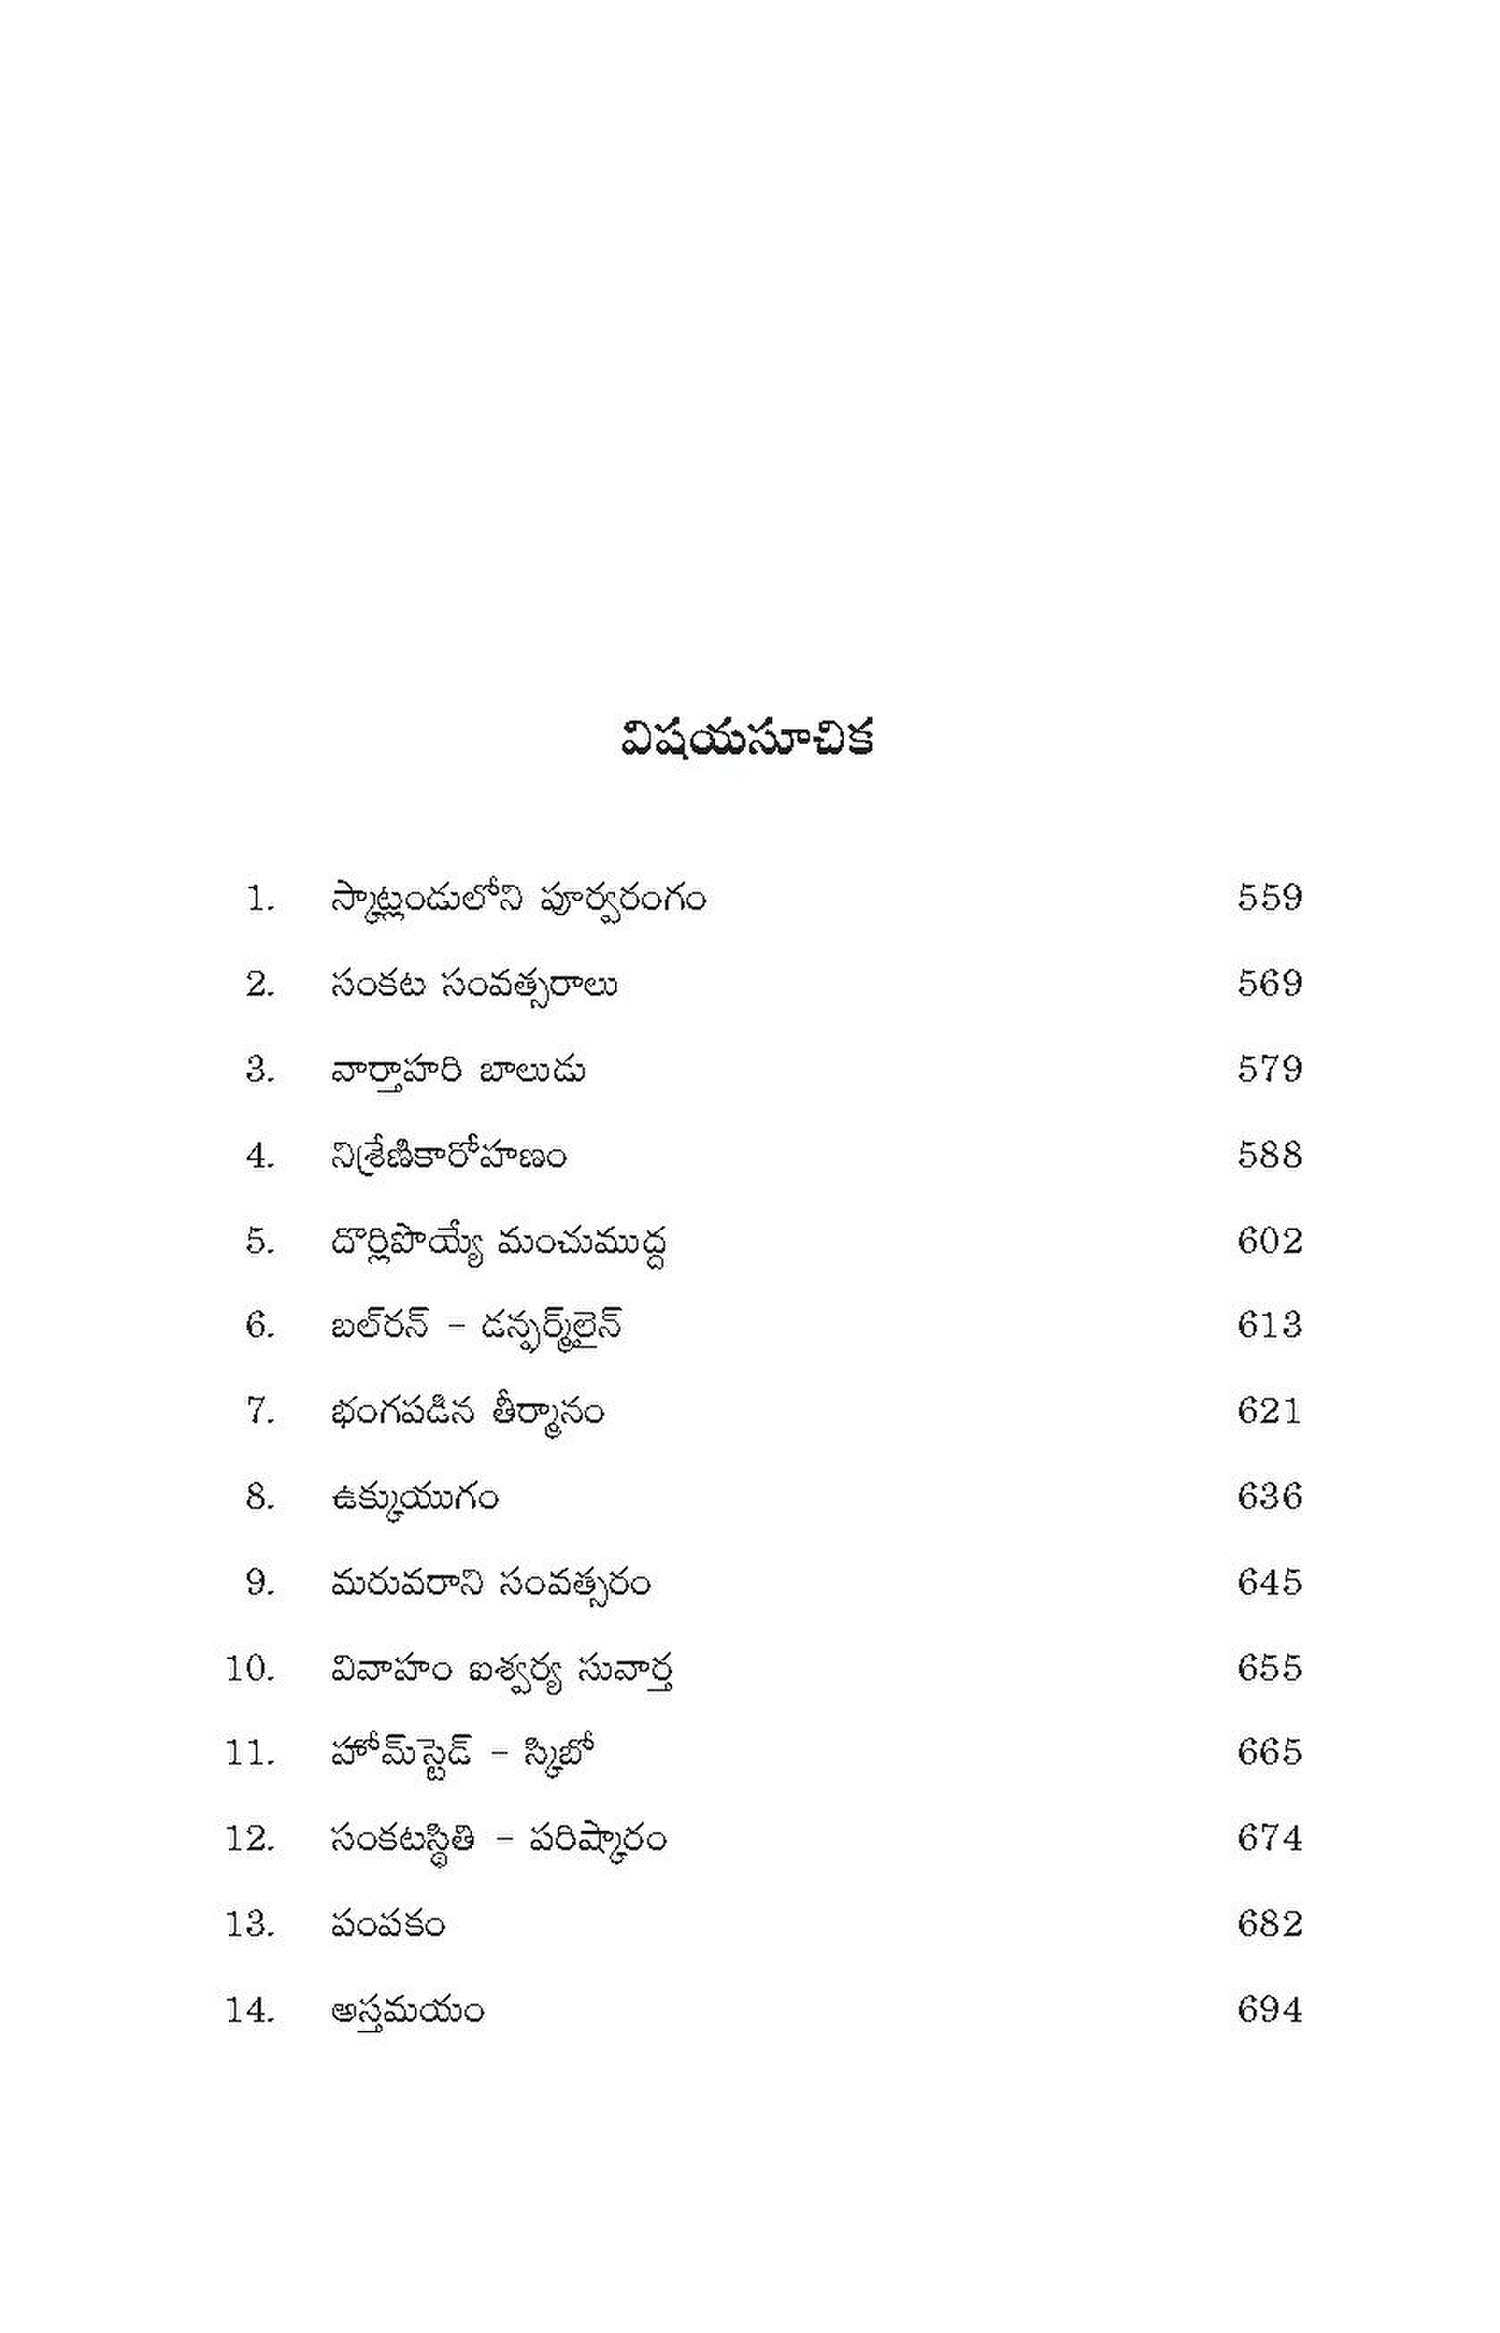విషయసూచిక

1. స్కాట్లండులోని పూర్వరంగం 559

2. సంకట సంవత్సరాలు 569

3. వార్తాహరి బాలుడు 579

4. నిశ్రేణికారోహణం 588

5. దొర్లిపొయ్యే మంచుముద్ద 602

6. బలరన్ - డన్ఫర్మ్ లైన్ 613

7. భంగపడిన తీర్మానం 621

8. ఉక్కుయుగం 636

9. మరువరాని సంవత్సరం 645

10. వివాహం ఐశ్వర్య సువార్త 655

11. హోమ్ స్టెడ్ - స్కిబో 665

12.సంకటస్థితి - పరిష్కారం 674

13. పంపకం 682

14. అస్తమయం 694